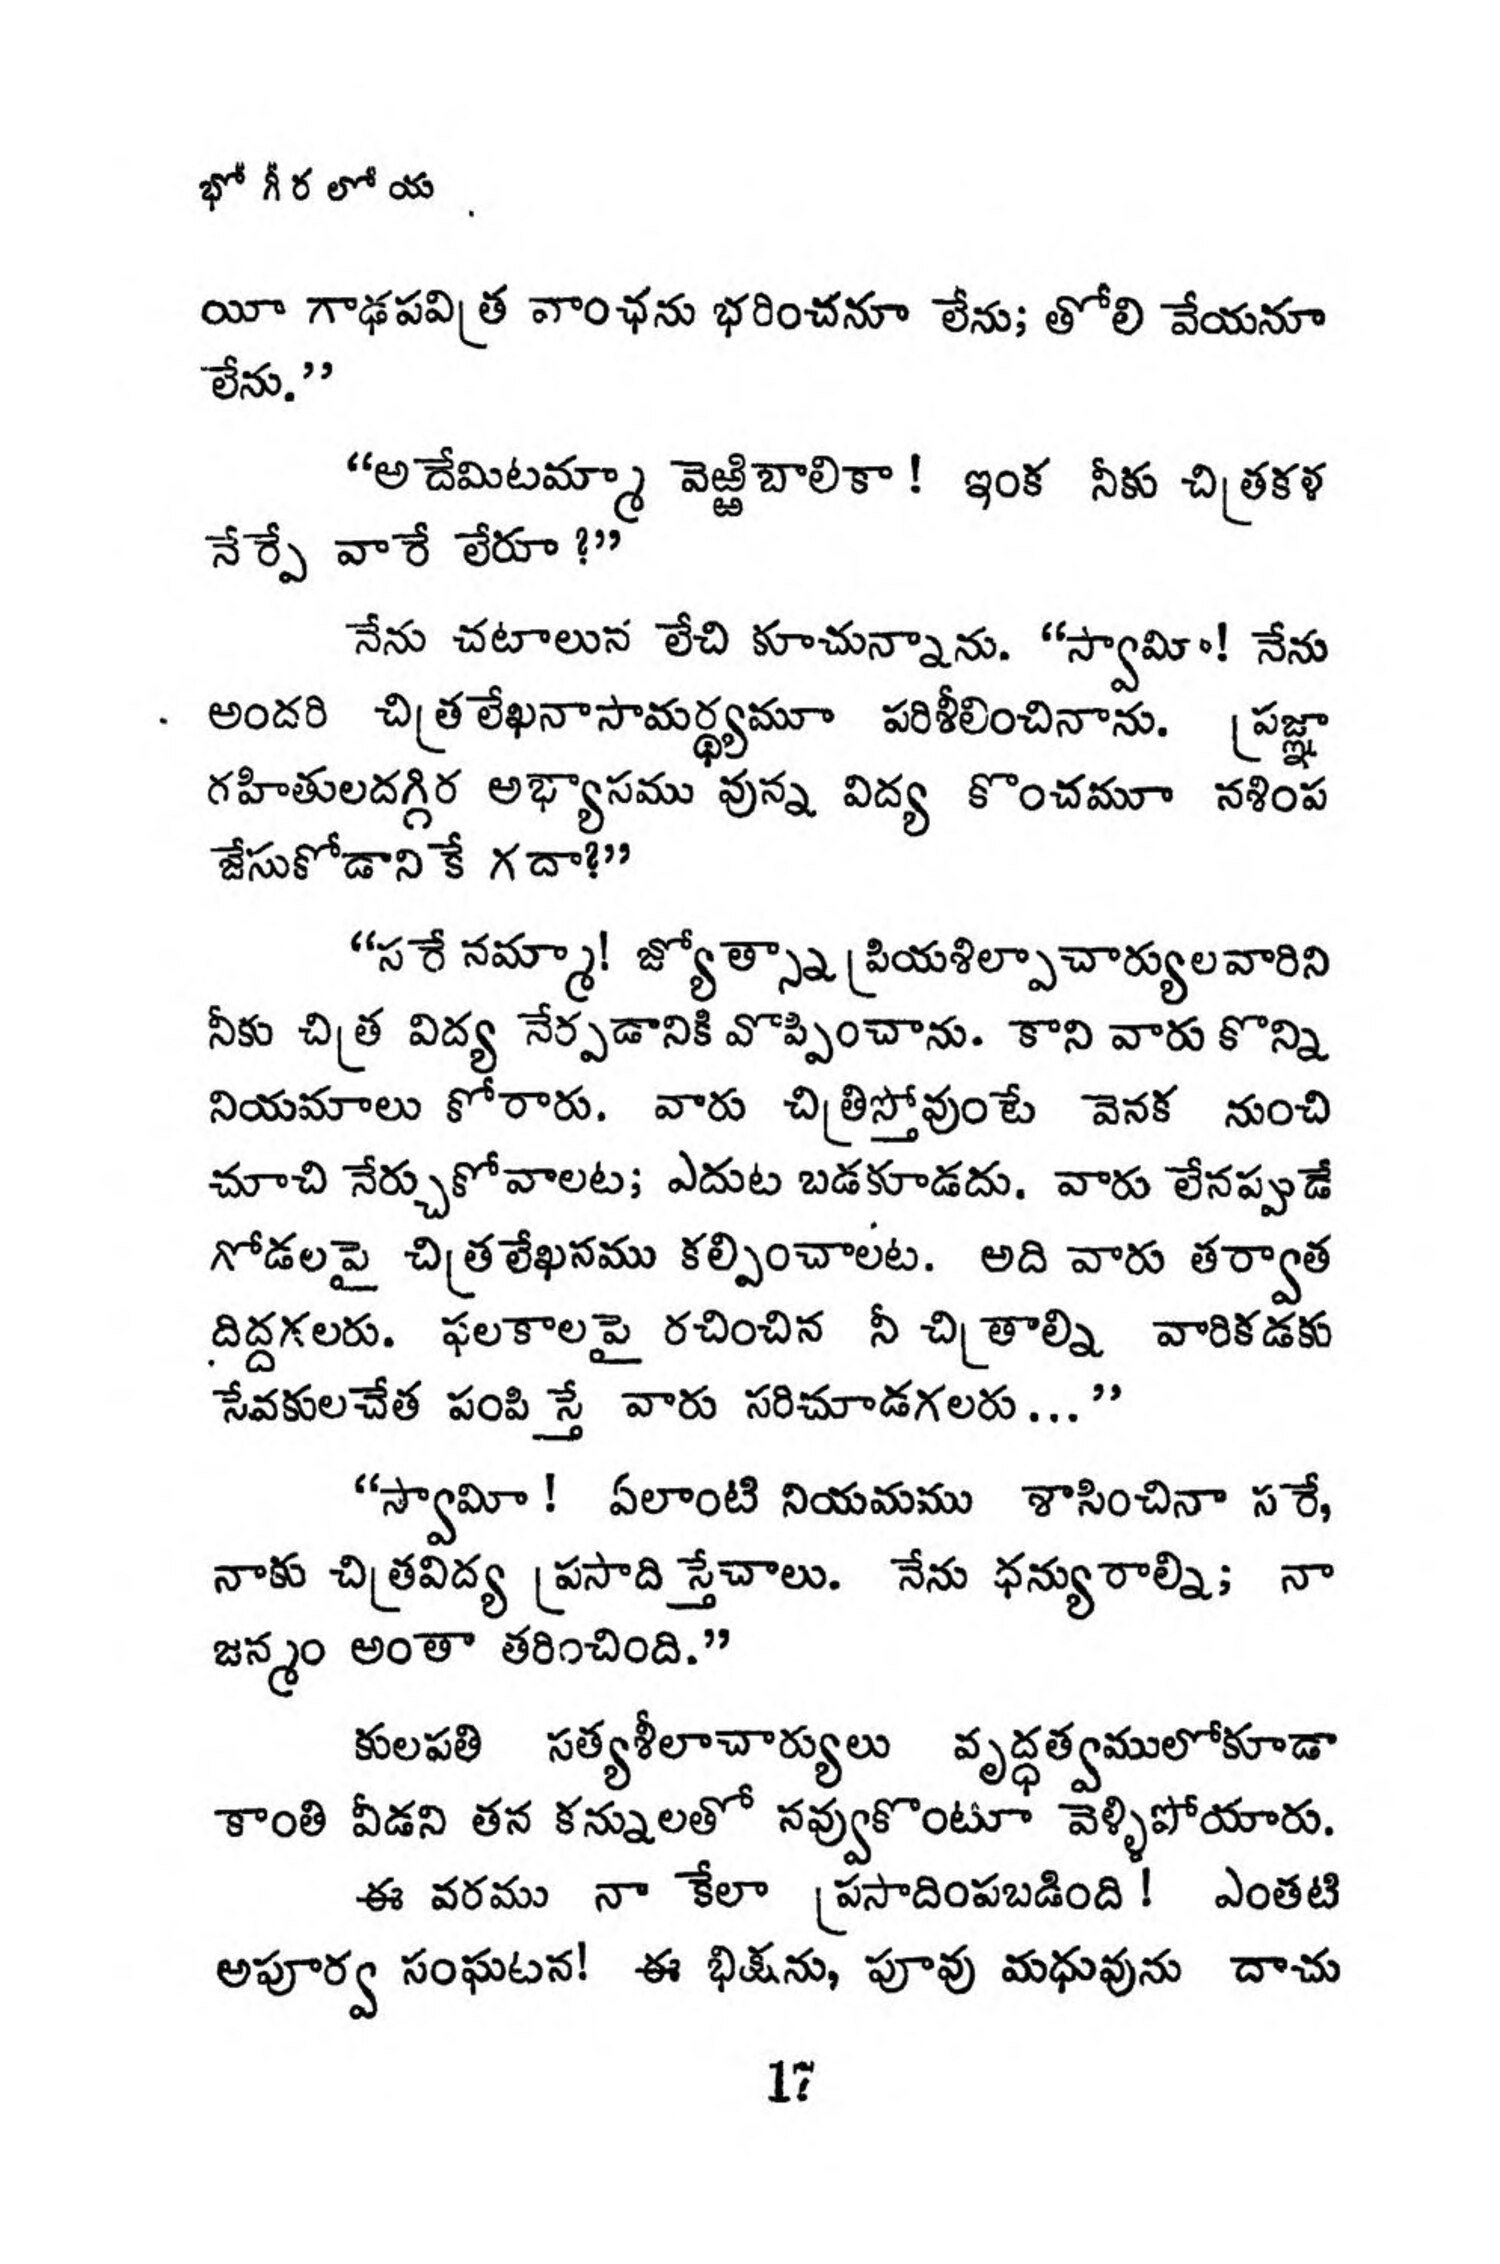యీ గాఢపవిత్ర వాంఛను భరించనూ లేను; తోలి వేయనూ లేను.”

“అదేమిటమ్మా వెఱ్ఱిబాలికా! ఇంక నీకు చిత్రకళ నేర్పే వారే లేరూ?”

నేను చటాలున లేచి కూచున్నాను. “స్వామీ! నేను అందరి చిత్రలేఖనాసామర్థ్యమూ పరిశీలించినాను. ప్రజ్ఞా రహితులదగ్గిర అభ్యాసము వున్న విద్య కొంచమూ నశింప జేసుకోడానికే గదా?”

“సరే నమ్మా! జ్యోత్స్నా ప్రియశిల్పాచార్యులవారిని నీకు చిత్ర విద్య నేర్పడానికి వొప్పించాను. కాని వారు కొన్ని నియమాలు కోరారు. వారు చిత్రిస్తోవుంటే వెనక నుంచి చూచి నేర్చుకోవాలట; ఎదుట బడకూడదు. వారు లేనప్పుడే గోడలపై చిత్రలేఖనము కల్పించాలట. అది వారు తర్వాత దిద్దగలరు. ఫలకాలపై రచించిన నీ చిత్రాల్ని వారికడకు సేవకులచేత పంపిస్తే వారు సరిచూడగలరు...”

“స్వామీ! ఏలాంటి నియమము శాసించినా సరే, నాకు చిత్రవిద్య ప్రసాదిస్తేచాలు. నేను ధన్యురాల్ని; నా జన్మం అంతా తరించింది.”

కులపతి సత్యశీలాచార్యులు వృద్ధత్వములోకూడా కాంతి వీడని తన కన్నులతో నవ్వుకొంటూ వెళ్ళిపోయారు.

ఈ వరము నా కేలా ప్రసాదింపబడింది! ఎంతటి అపూర్వ సంఘటన! ఈ భిక్షను, పూవు మధువును దాచు